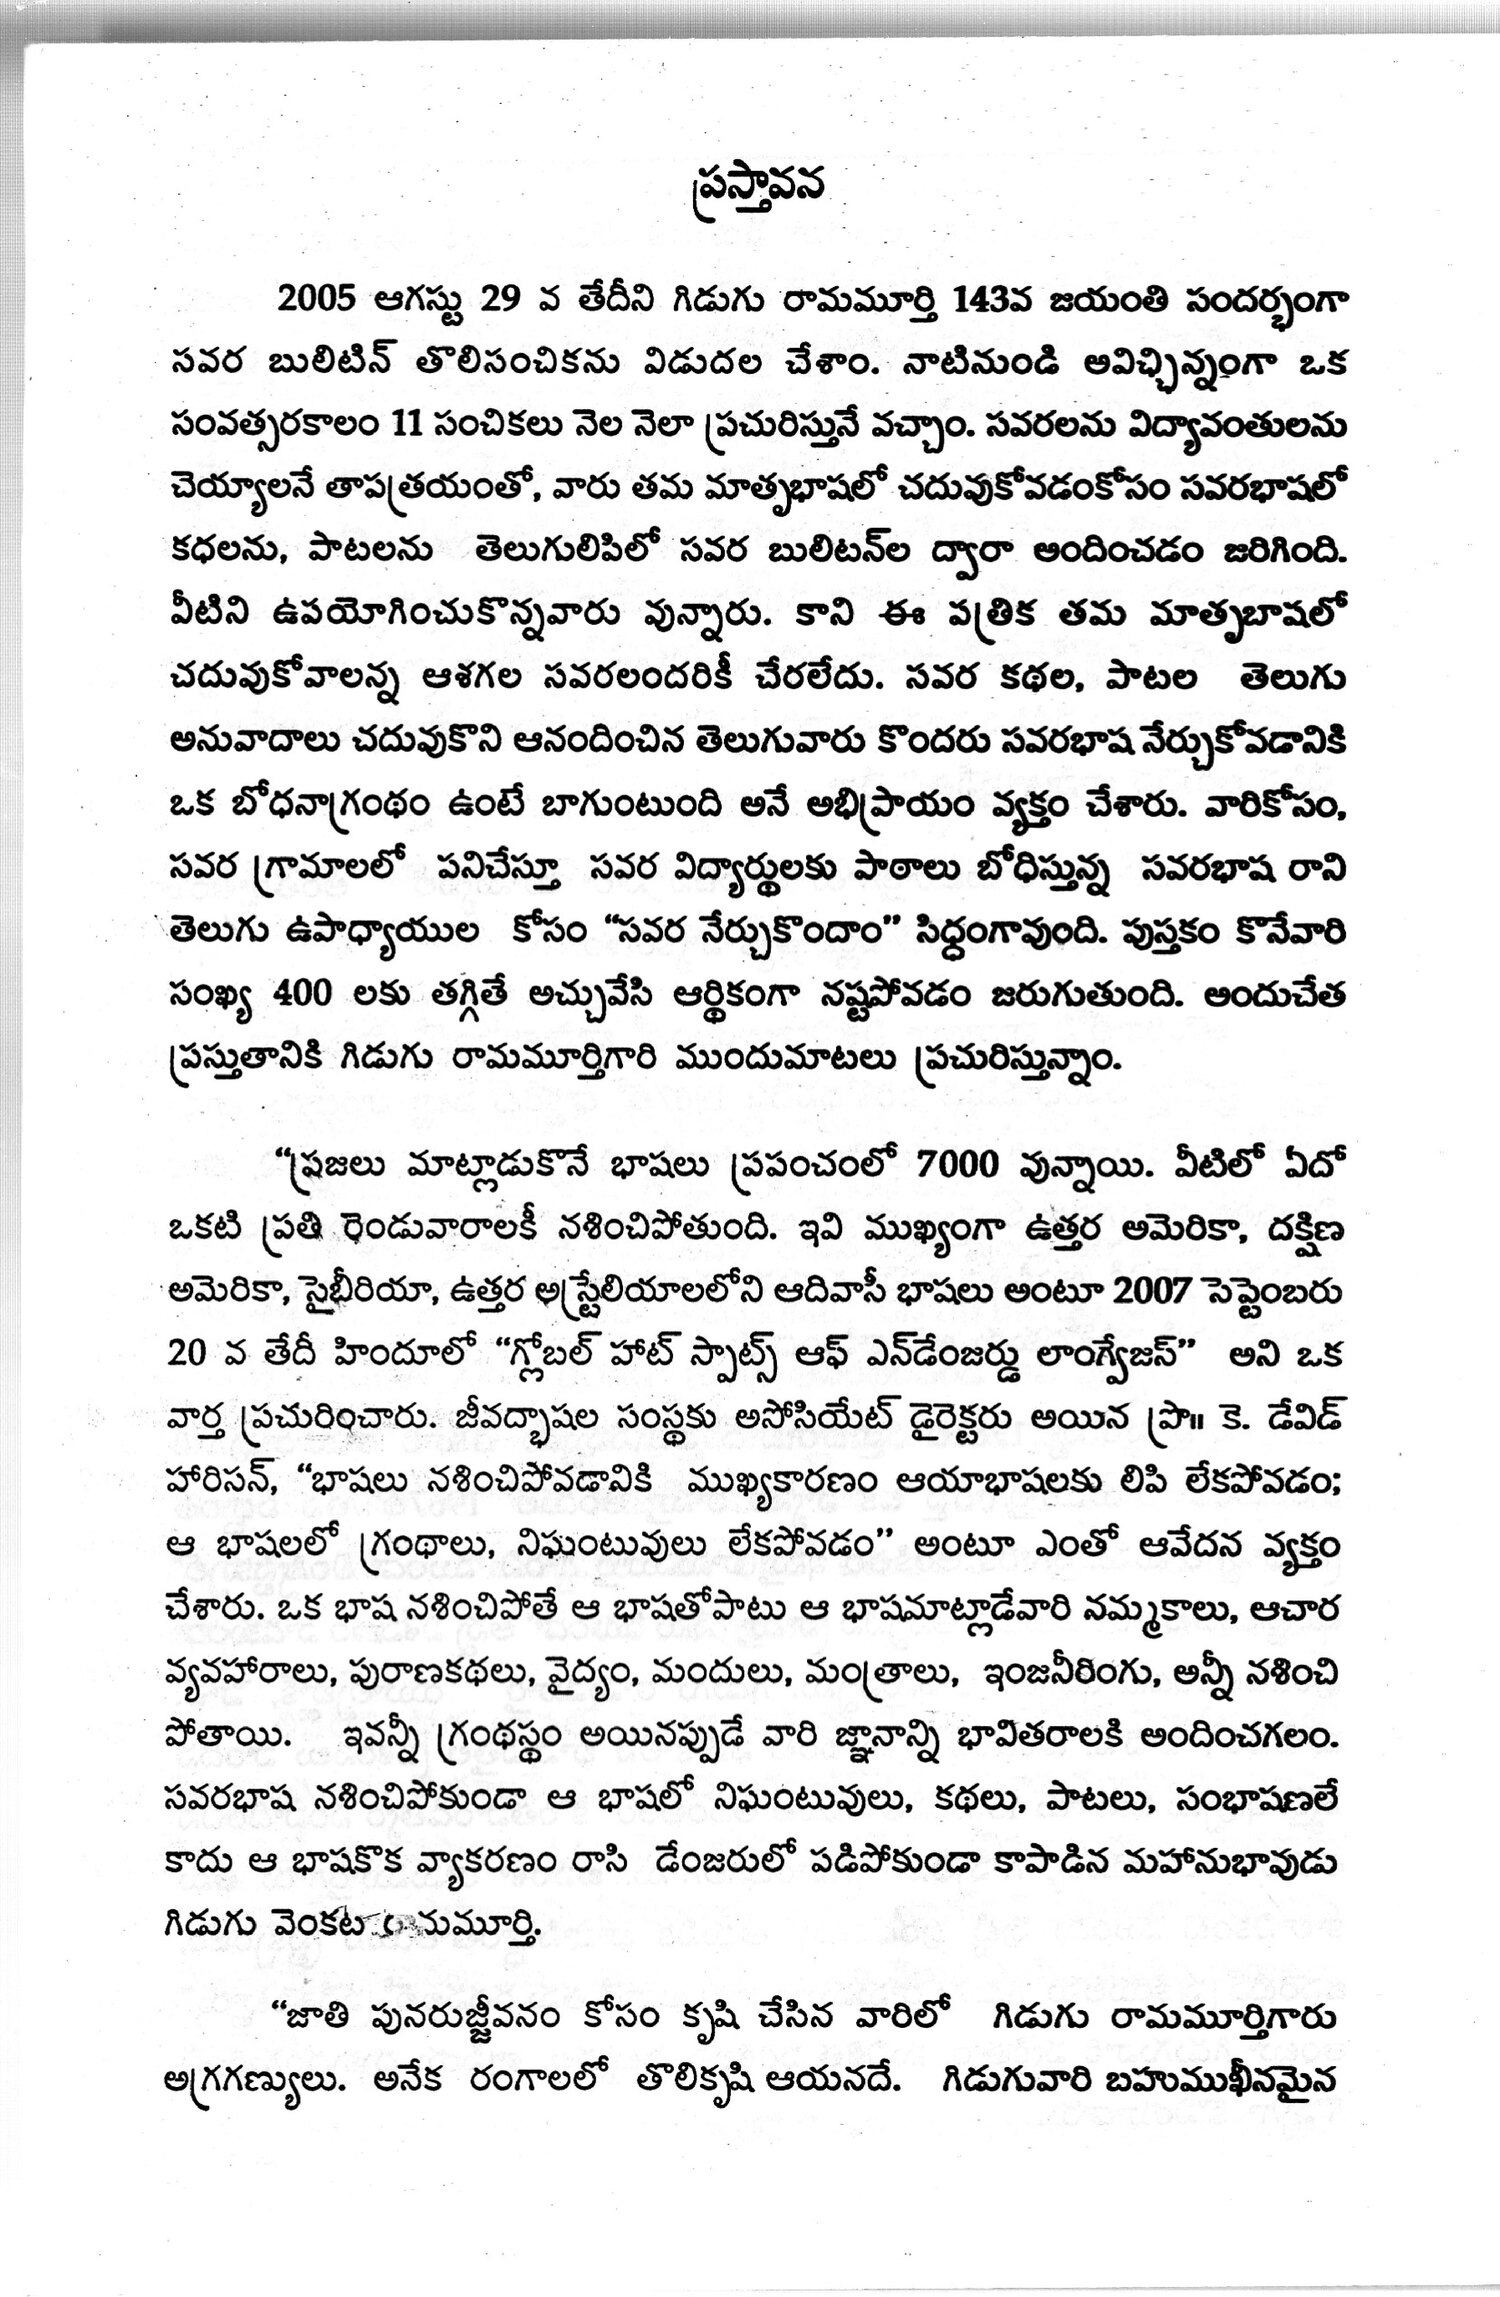2005 ఆగస్టు 29వ తేదీని గిడుగు రామమూర్తి 143వ జయంతి సందర్భంగా సవర బులిటిన్ తొలిసంచికను విడుదల చేశాం. నాటినుండి అవిచ్చిన్నంగా ఒక సంవత్సరకాలం 11 సంచికలు నెల నెలా ప్రచురిస్తునే వచ్చాం. సవరలను విద్యావంతులను చెయ్యాలనే తాపత్రయంతో, వారు తమ మాతృభాషలో చదువుకోవడంకోసం సవరభాషలో కధలను, పాటలను తెలుగులిపిలో సవర బులిటన్ల ద్వారా అందించడం జరిగింది. వీటిని ఉపయోగించుకొన్నవారు వున్నారు. కాని ఈ పత్రిక తమ మాతృభాషలో చదువుకోవాలన్న ఆశగల సవరలందరికీ చేరలేదు. సవర కథల, పాటల తెలుగు అనువాదాలు చదువుకొని ఆనందించిన తెలుగువారు కొందరు సవరభాష నేర్చుకోవడానికి ఒక బోధనాగ్రంథం ఉంటే బాగుంటుంది అనే అభిప్రాయం వ్యక్తం చేశారు. వారికోసం, సవర గ్రామాలలో పనిచేస్తూ సవర విద్యార్థులకు పాఠాలు బోధిస్తున్న సవరభాష రాని "తెలుగు ఉపాధ్యాయుల కోసం “సవర నేర్చుకొందాం” సిధ్ధంగావుంది. పుస్తకం కొనేవారి సంఖ్య 400 లకు తగ్గితే అచ్చువేసి ఆర్థికంగా నష్టపోవడం జరుగుతుంది. అందుచేత ప్రస్తుతానికి గిడుగు రామమూర్తిగారి ముందుమాటలు ప్రచురిస్తున్నాం.

“ప్రజలు మాట్లాడుకొనే భాషలు ప్రపంచంలో 7000 వున్నాయి. వీటిలో ఏదో ఒకటి ప్రతి రెండువారాలకీ నశించిపోతుంది. ఇవి ముఖ్యంగా ఉత్తర అమెరికా, దక్షిణ అమెరికా, సైబీరియా, ఉత్తర అస్ట్రేలియాలలోని ఆదివాసీ భాషలు అంటూ 2007 సెప్టెంబరు 20 వ తేదీ హిందూలో “గ్లోబల్ హాట్ స్పాట్స్ ఆఫ్ ఎన్డేంజర్డు లాంగ్వేజస్" అని ఒక వార్త ప్రచురించారు. జీవద్భాషల సంస్థకు అసోసియేట్ డైరెక్టరు అయిన ప్రొ. కె. డేవిడ్ హారిసన్, “భాషలు నశించిపోవడానికి ముఖ్యకారణం ఆయాభాషలకు లిపి లేకపోవడం; ఆ భాషలలో గ్రంథాలు, నిఘంటువులు లేకపోవడం” అంటూ ఎంతో ఆవేదన వ్యక్తం చేశారు. ఒక భాష నశించిపోతే ఆ భాషతోపాటు ఆ భాషమాట్లాడేవారి నమ్మకాలు, ఆచార వ్యవహారాలు, పురాణకథలు, వైద్యం, మందులు, మంత్రాలు, ఇంజనీరింగు, అన్నీ నశించి పోతాయి. ఇవన్నీ గ్రంథస్థం అయినప్పుడే వారి జ్ఞానాన్ని భావితరాలకి అందించగలం. సవరభాష నశించిపోకుండా ఆ భాషలో నిఘంటువులు, కథలు, పాటలు, సంభాషణలే కాదు ఆ భాషకొక వ్యాకరణం రాసి డేంజరులో పడిపోకుండా కాపాడిన మహానుభావుడు గిడుగు వెంకట రామమూర్తి.

“జాతి పునరుజ్జీవనం కోసం కృషి చేసిన వారిలో గిడుగు రామమూర్తిగారు అగ్రగణ్యులు. అనేక రంగాలలో తొలికృషి ఆయనదే. గిడుగువారి బహుముఖీనమైన